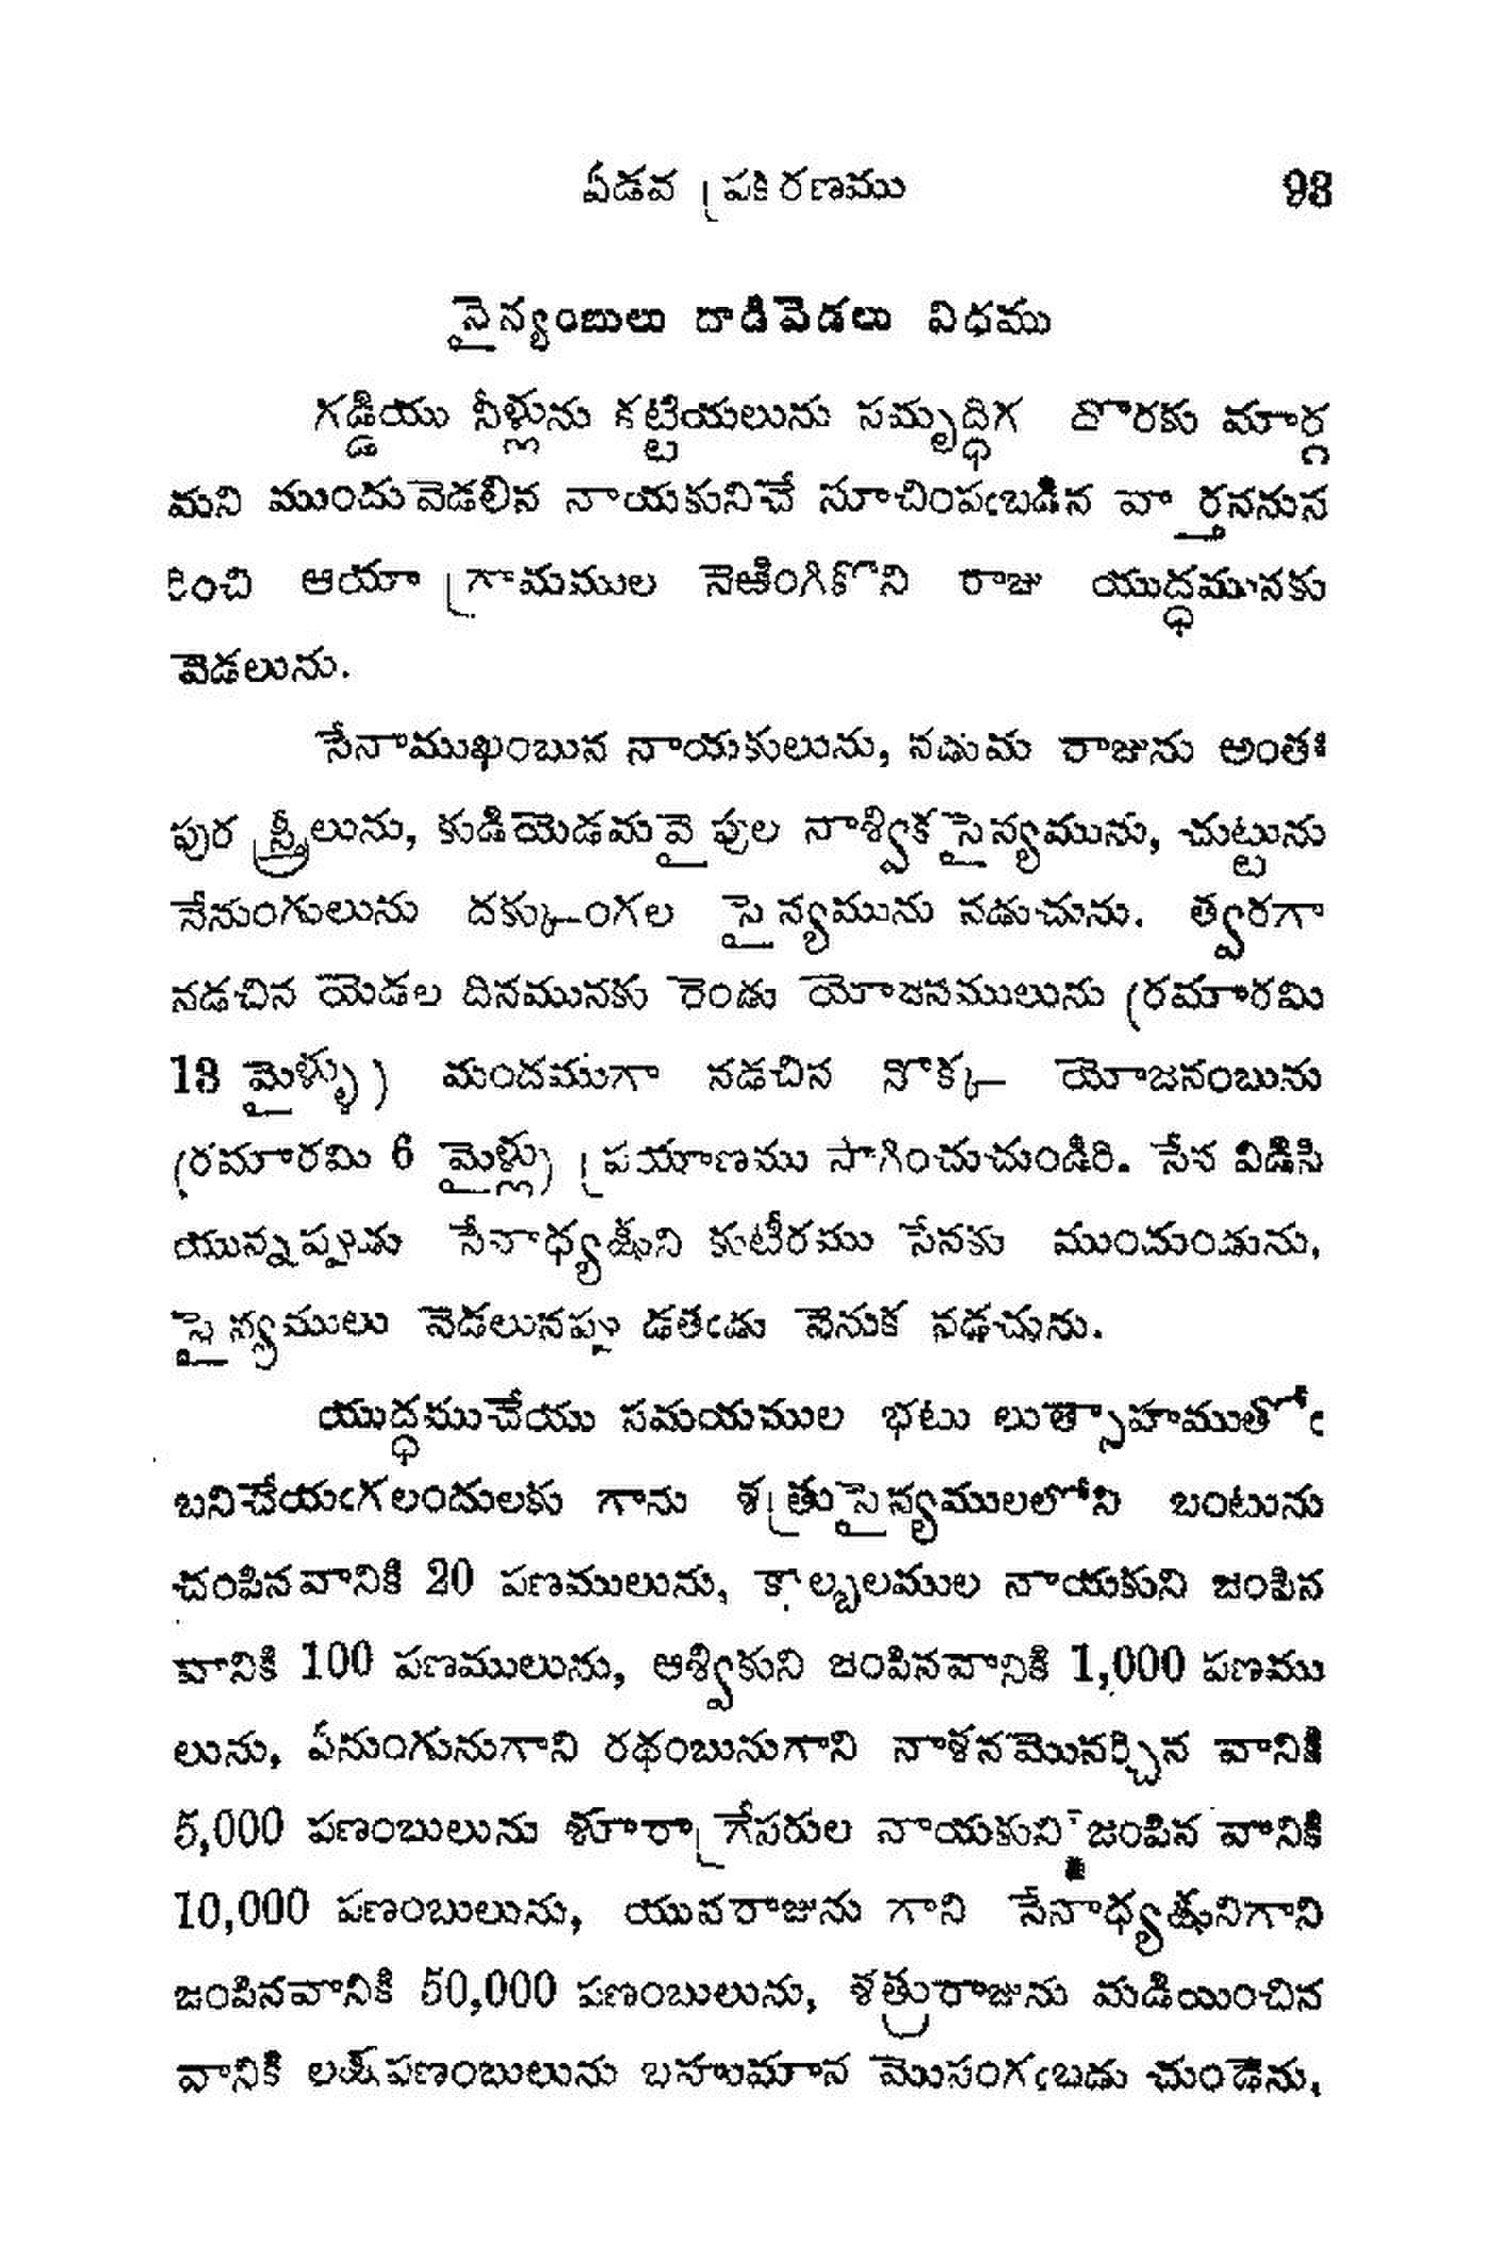సైన్యంబులు దాడి వెడలు విధము 

గడ్డియు నీళ్లును కట్టియలును సమృద్ధిగ దొరకు మార్గమని ముందు వెడలిన నాయకునిచే సూచింపఁబడిన వార్తననుసరించి ఆయా గ్రామముల నెఱింగికొని రాజు యుద్ధమునకు వెడలును.

సేనాముఖంబున నాయకులును, నడుమ రాజును అంతఃపుర స్త్రీలును, కుడియెడమవైపుల నాశ్విక సైన్యమును, చుట్టును నేనుంగులును దక్కుంగల సైన్యమును నడుచును. త్వరగా నడచిన యెడల దినమునకు రెండు యోజనములును (రమారమి 13 మైళ్ళు) మందముగా నడచిన నొక్క యోజనంబును (రమారమి 6 మైళ్లు) ప్రయాణము సాగించుచుండిరి. సేన విడిసి యున్నప్పుడు సేనాధ్యక్షుని కుటీరము సేనకు ముందుండును, సైన్యములు నెడలునప్పు డతఁడు వెనుక నడచును.

యుద్ధముచేయు సమయముల భటు లుత్సాహముతో బనిచేయఁగలందులకు గాను శత్రుసైన్యములలోని బంటును చంపినవానికి 20 పణములును, కాల్బలముల నాయకుని జంపిన వానికి 100 పణములును, ఆశ్వికుని జంపినవానికి 1,000 పణములును, ఏనుంగునుగాని రథంబునుగాని నాశనమొనర్చిన వానికి 5,000 పణంబులును శూరాగ్రేసరుల నాయకుని జంపిన వానికి 10,000 పణంబులును, యువరాజును గాని నేనాధ్యక్షునిగాని జంపినవానికి 50,000 పణంబులును, శత్రురాజును మడియించిన వానికి లక్ష పణంబులును బహుమాన మొసంగఁబడు చుండెను,